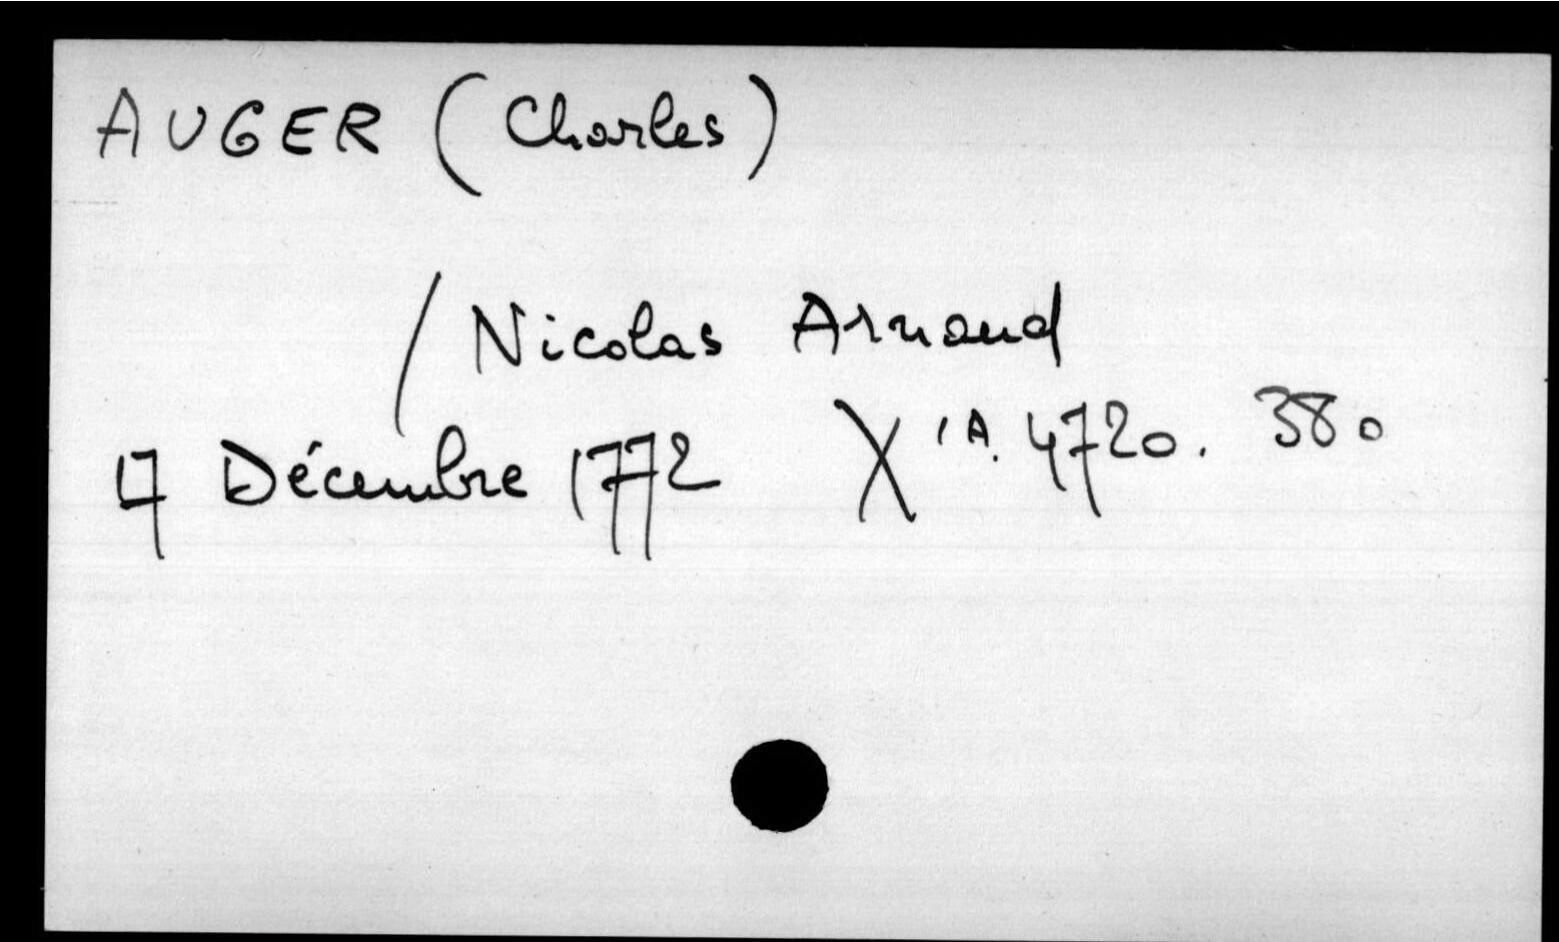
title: AUGER (Charles)
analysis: Contre Nicolas Arnaud
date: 17 décembre 1772
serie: X1A
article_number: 4720
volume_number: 380
